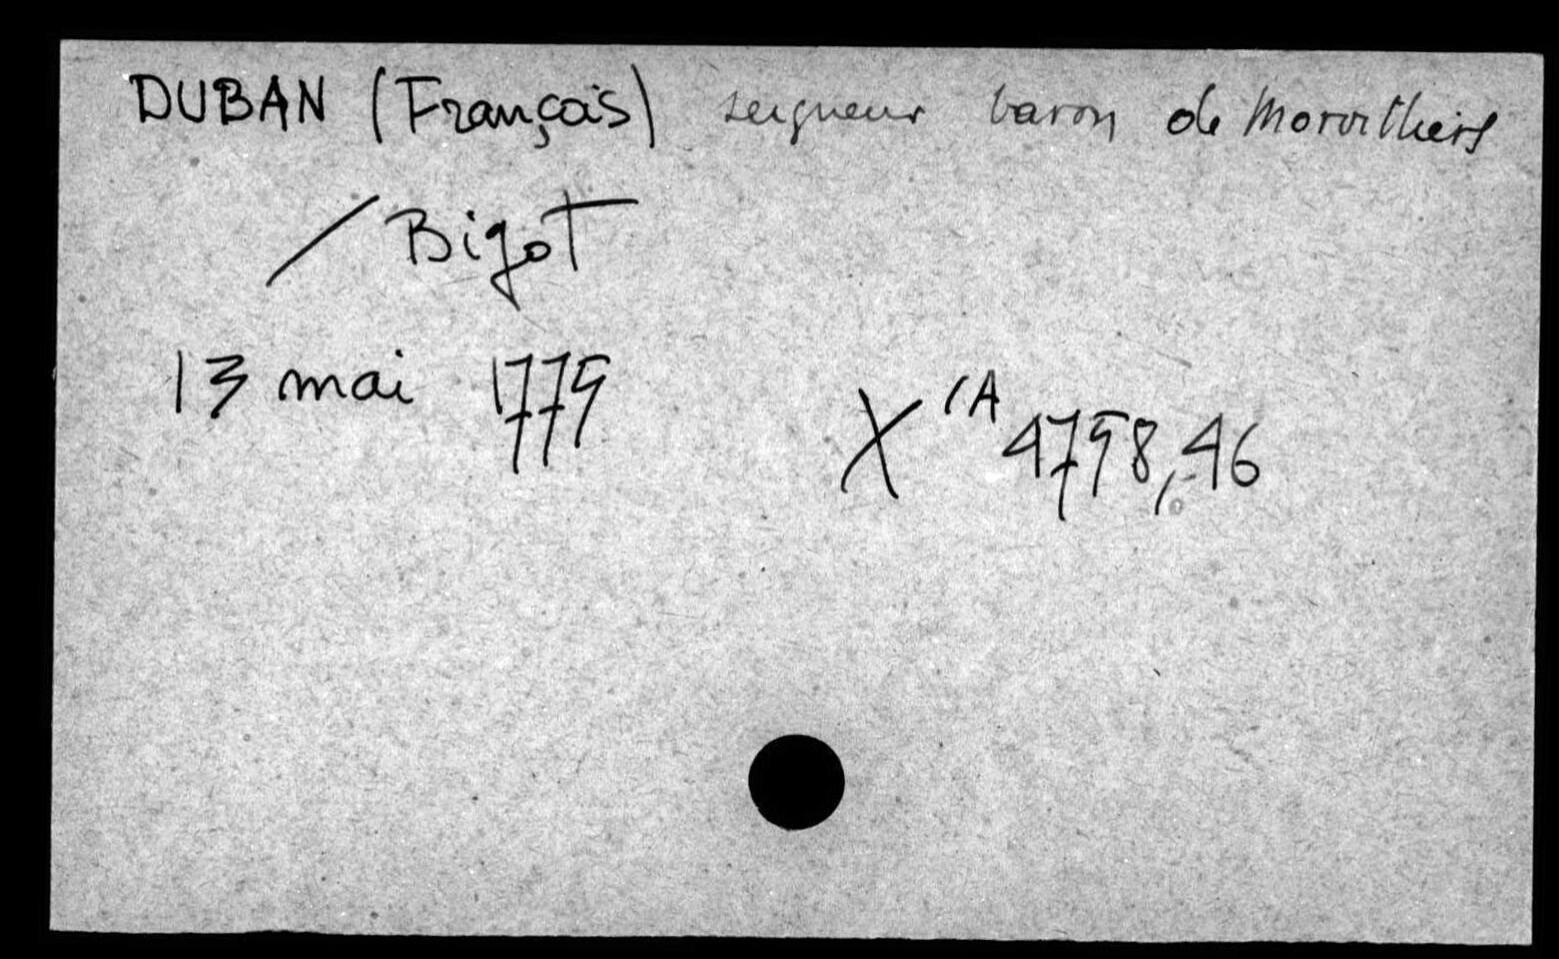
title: DUBAN (François) seigneur baron de Morvilliers
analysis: Contre Bigot
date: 13 mai 1775
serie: X1A
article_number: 4758
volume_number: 46
